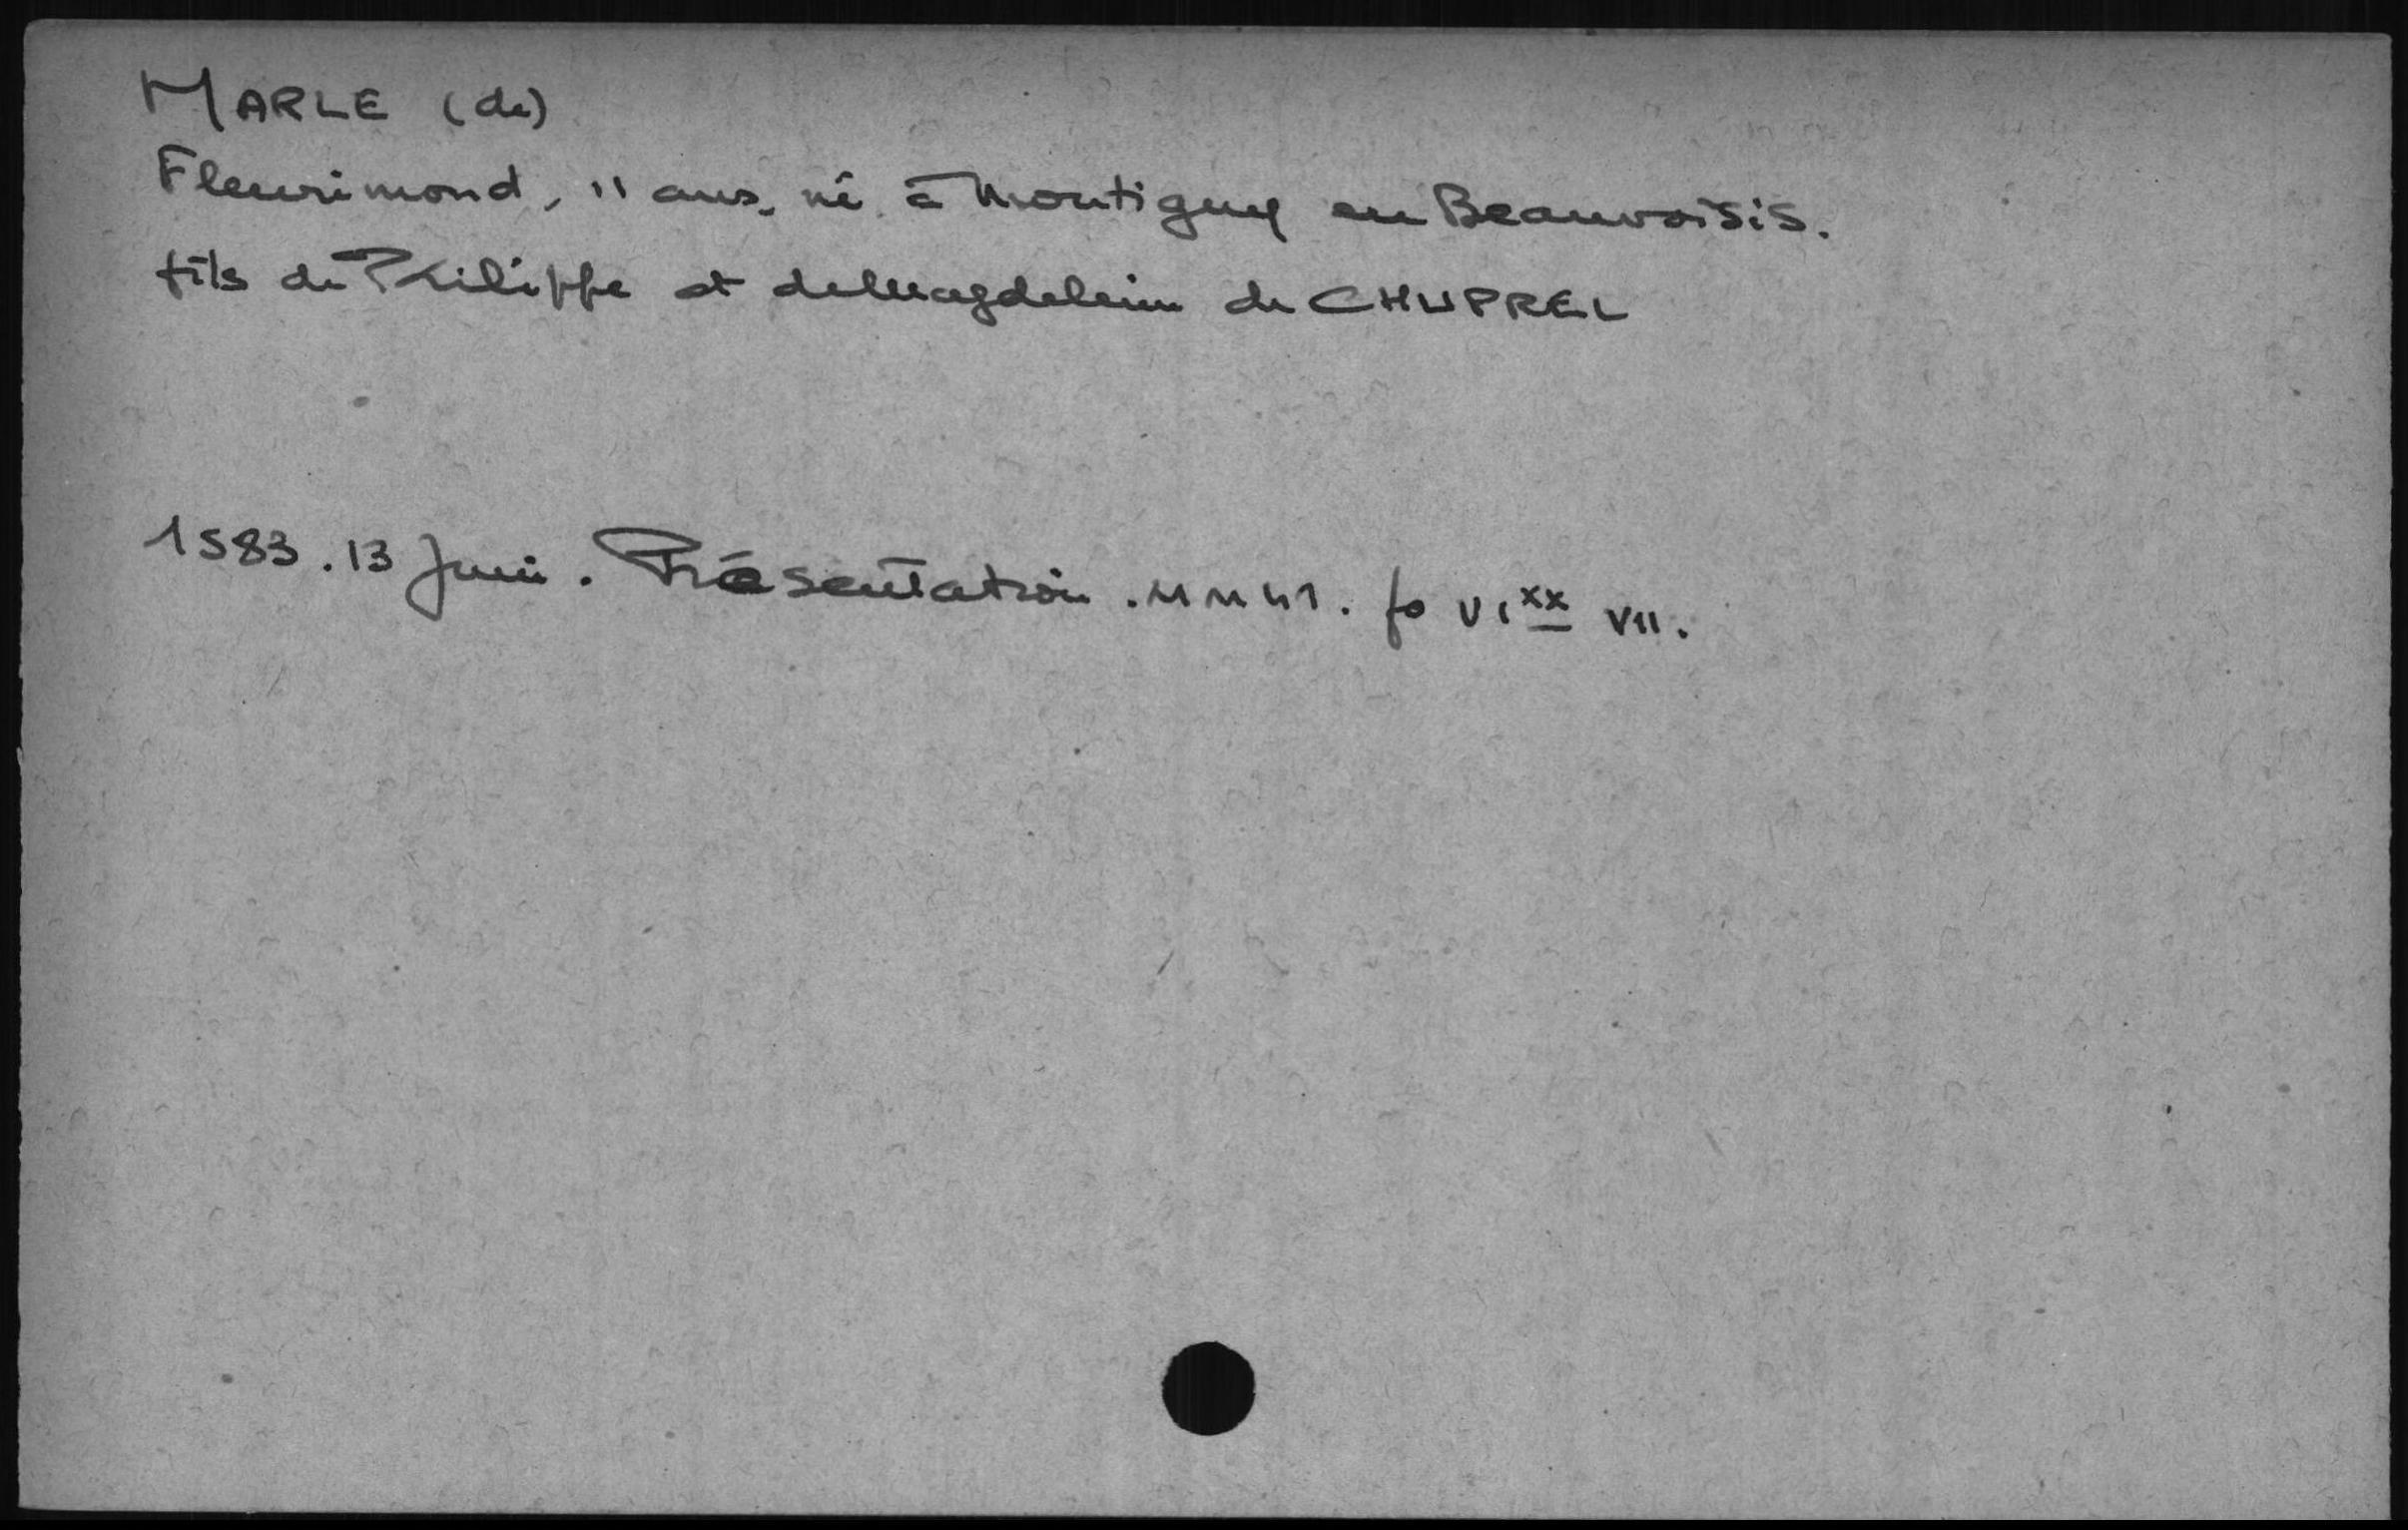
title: MARLE (de), Fleurimond, 11 ans, né à Montigny en Beauvaisis, fils de Philippe et de Magdeleine de CHUPREL
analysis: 1583, 13 juin. Présentation. MM 41, fol. XVXX VII
